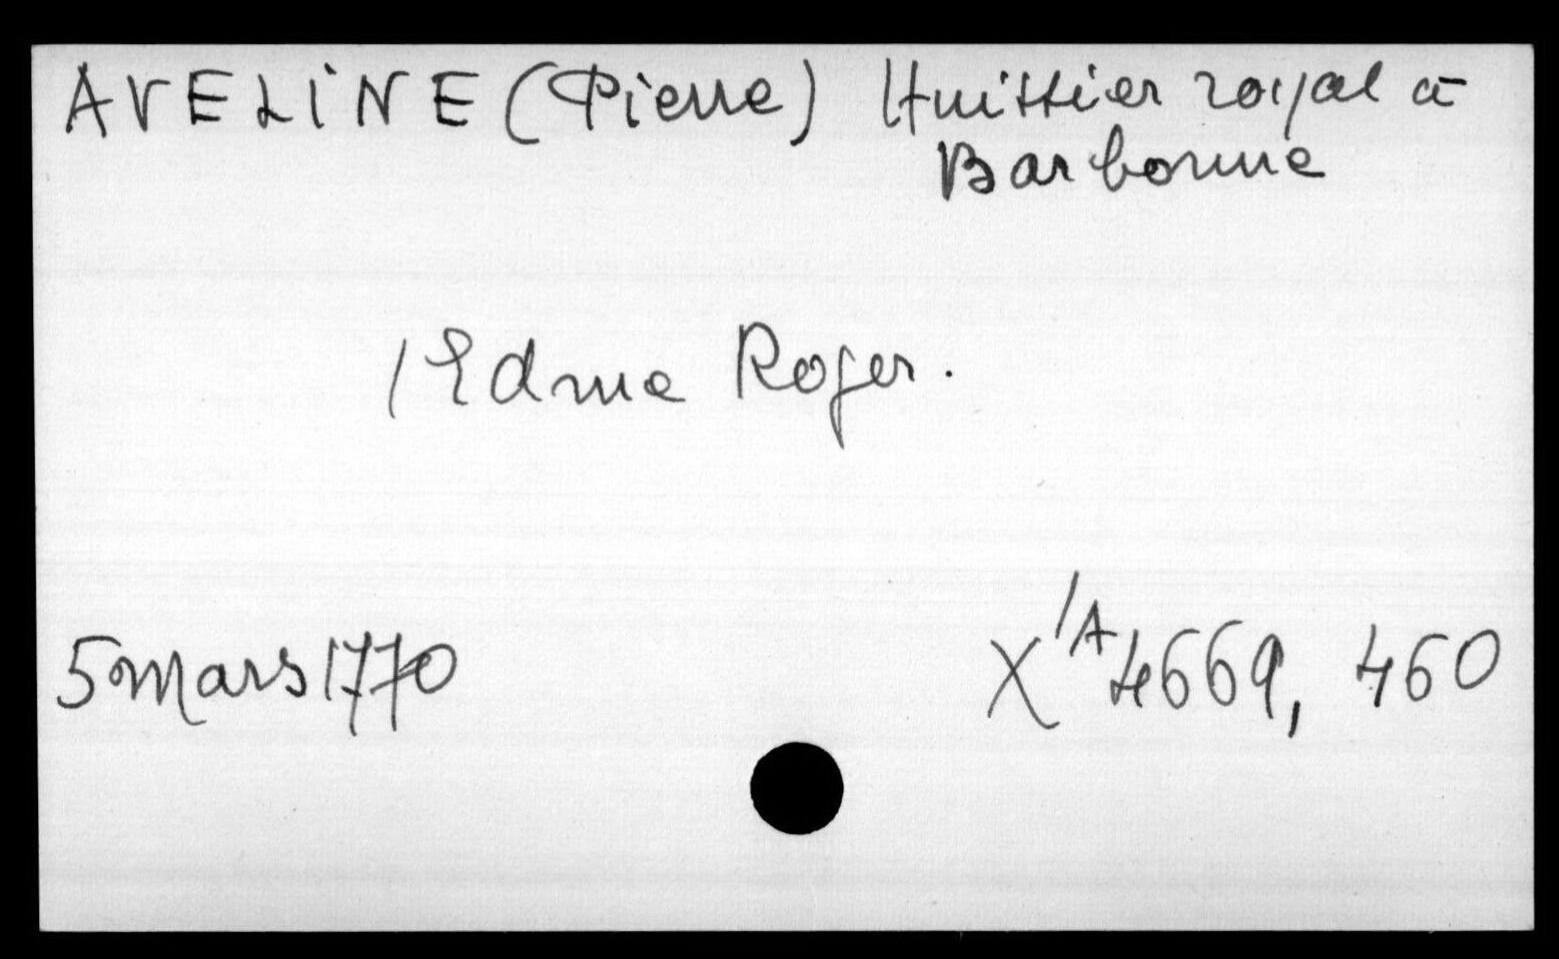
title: AVELINE (Pierre) Huissier royal à Barbonne
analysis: Contre Edme Roger
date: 5 mars 1770
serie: X1A
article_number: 4669
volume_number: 460
